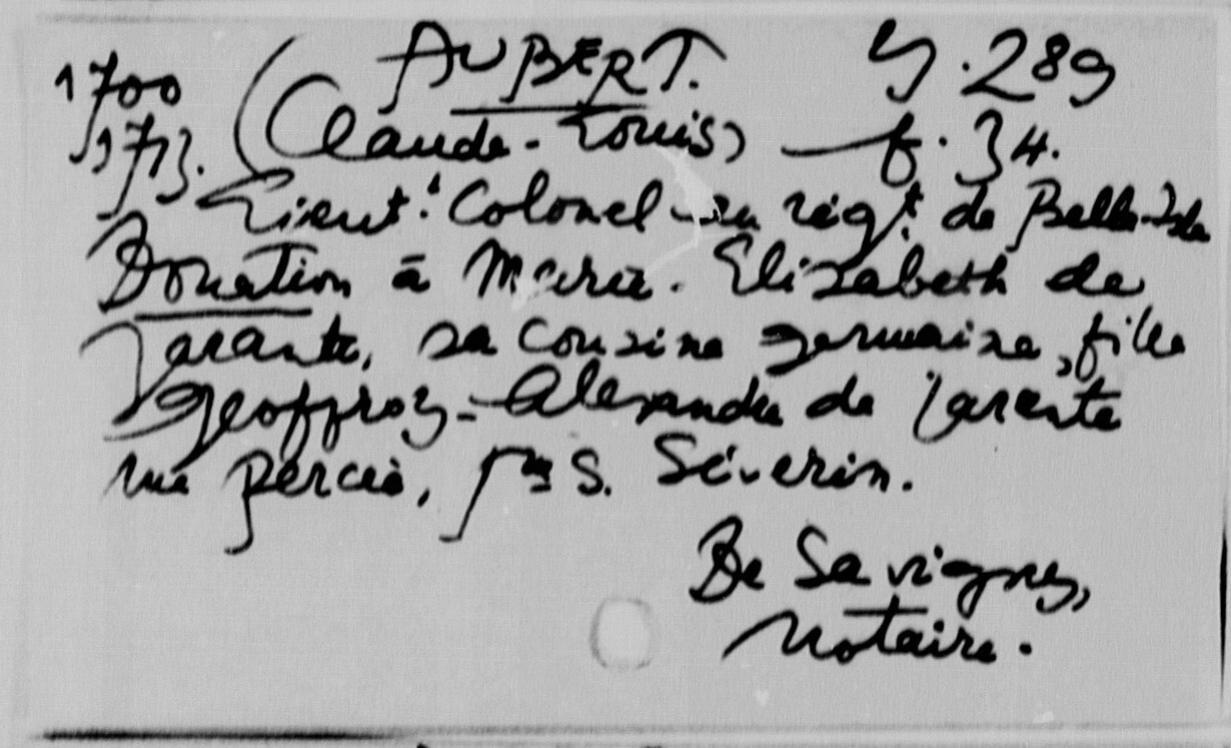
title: AUBERT (Claude-Louis)
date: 1700-1713
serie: Y
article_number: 289
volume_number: folio 34
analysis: Lieutenant colonel au régiment de Belle-Isle Donation à Marie-Elisabeth de Jarante, sa cousine germaine, fille Geoffroy-Alexandre de Jarente, rue Percée, paroisse Saint Séverin De Savigny, notaire
